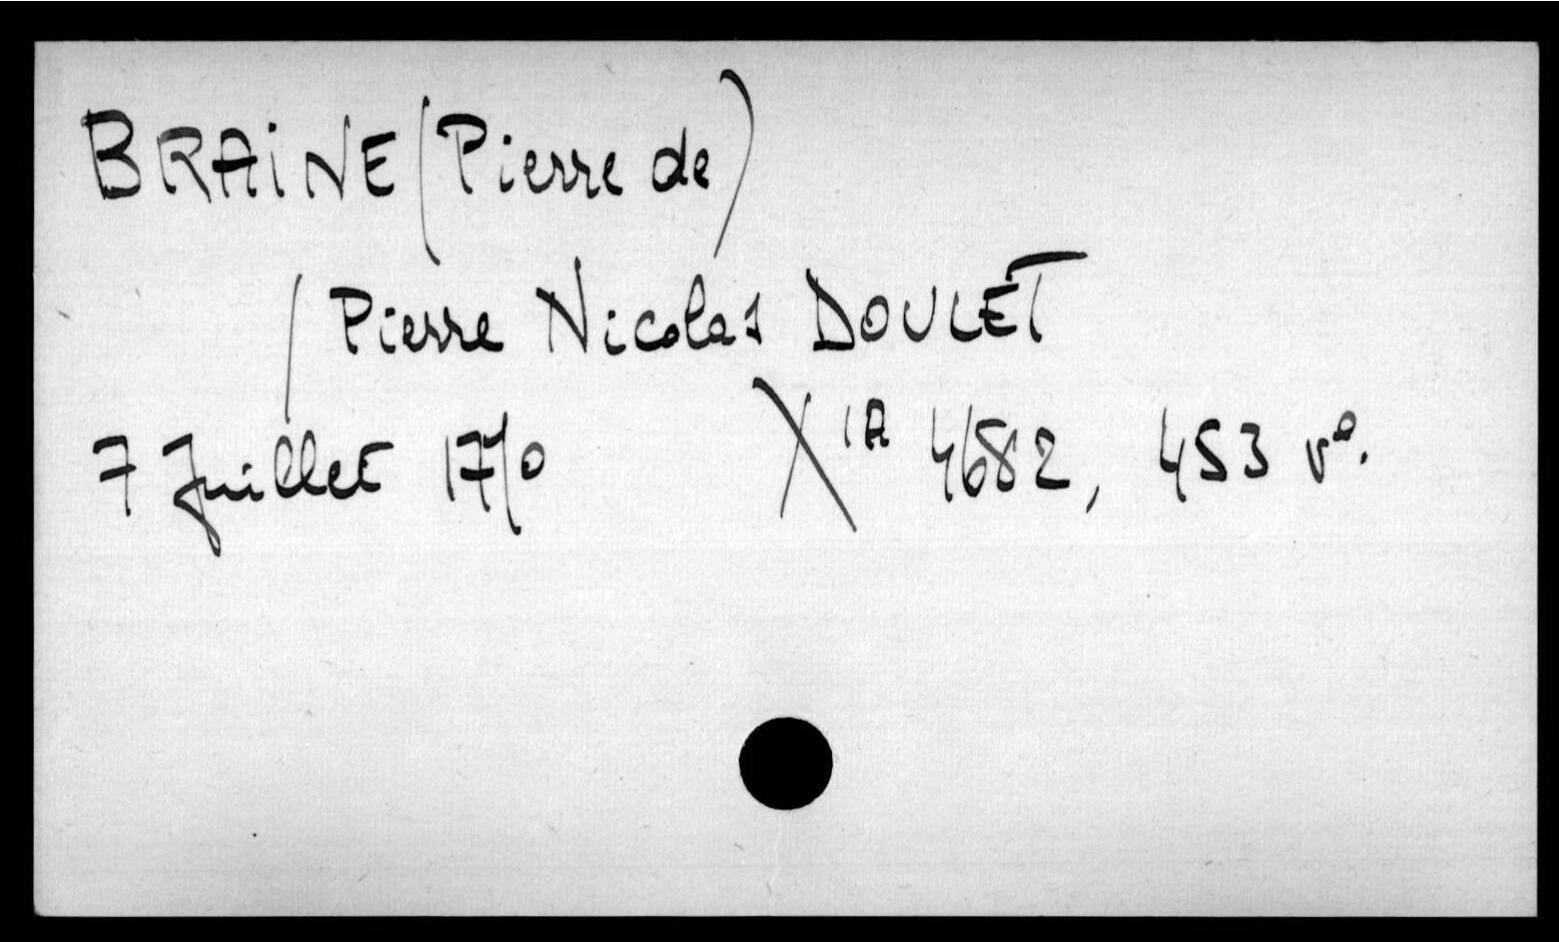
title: BRAINE (Pierre de)
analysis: Contre Pierre Nicolas DOULET
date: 7 juillet 1770
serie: X1A
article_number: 4682
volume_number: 453v
